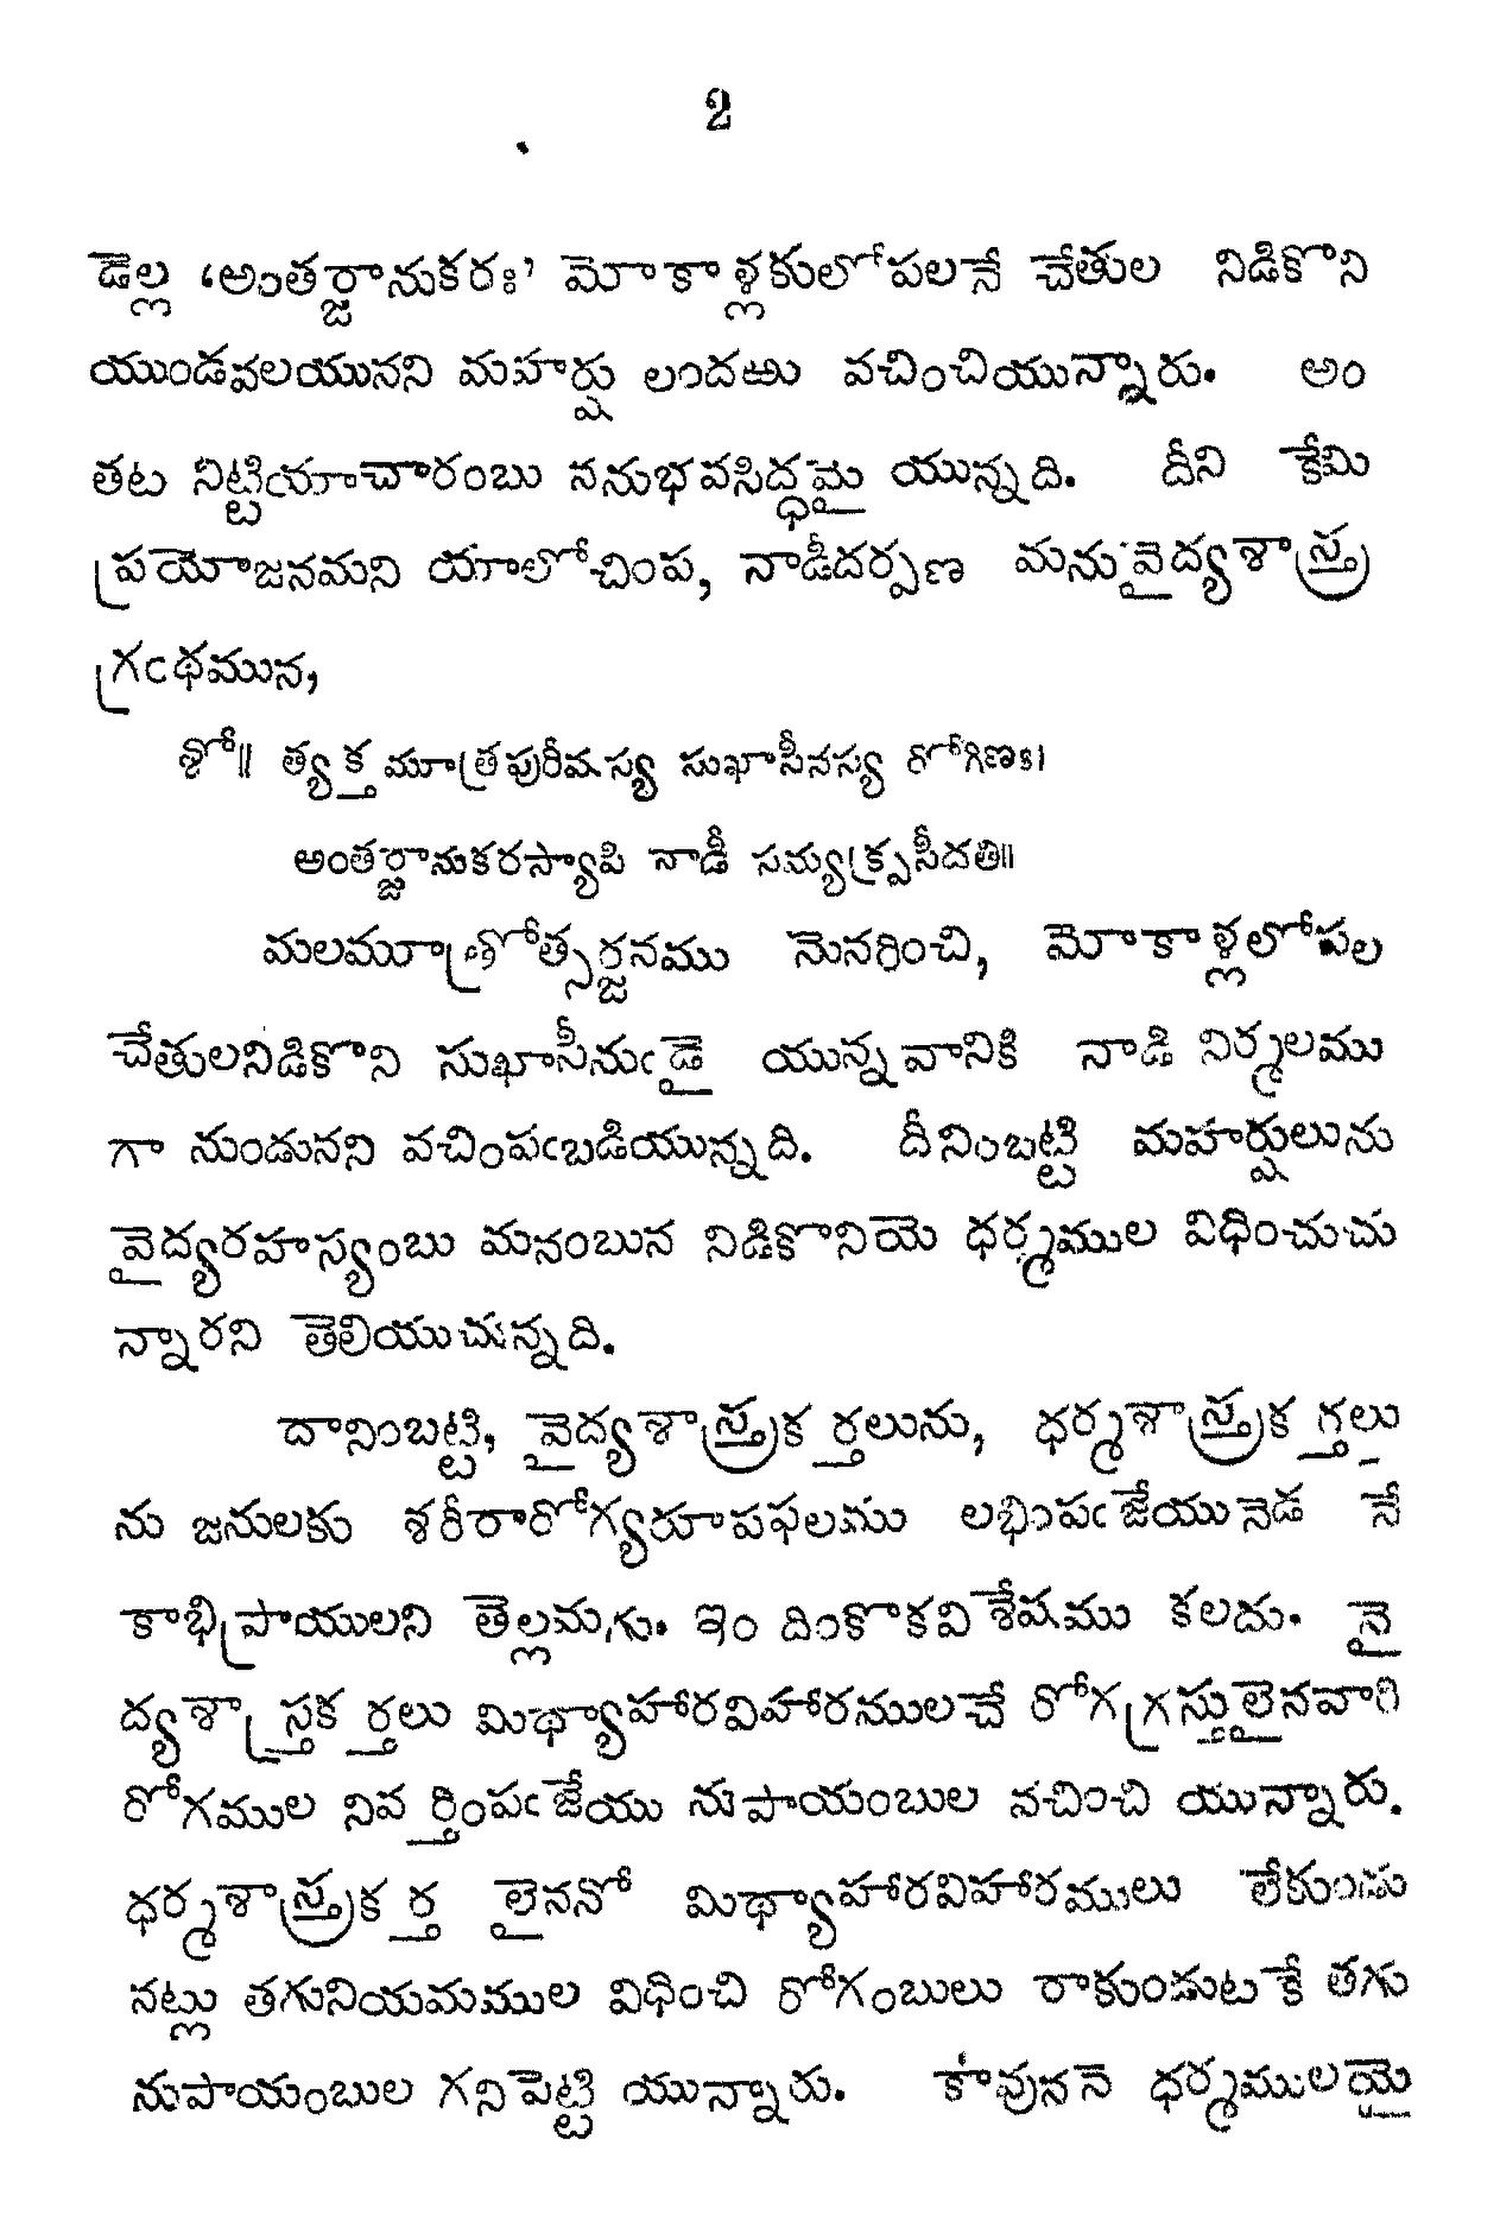డెల్ల 'అంతర్జానుకరః' మోకాళ్లకులోపలనే చేతుల నిడికొని యుండవలయునని మహర్షు లందఱు వచించియున్నారు. అంతట నిట్టియాచారంబు ననుభవసిద్ధమై యున్నది. దీని కేమి ప్రయోజనమని యాలోచింప, నాడీదర్పణ మనువైద్యశాస్త్ర గ్రంథమున,

శ్లో॥ త్యక్తమూత్రపురీషస్య సుఖాసీనస్య రోగిణః।
 అంతర్జానుకరస్యాపి నాడీ సమ్యక్ప్రసీదతి॥

మలమూత్రోత్సర్జనము నొనరించి, మోకాళ్లలోపల చేతులనిడికొని సుఖాసీనుఁడై యున్నవానికి నాడి నిర్మలముగా నుండునని వచింపఁబడియున్నది. దీనింబట్టి మహర్షులును వైద్యరహస్యంబు మనంబున నిడికొనియె ధర్మముల విధించుచున్నారని తెలియుచున్నది.

దానింబట్టి, వైద్యశాస్త్రకర్తలును, ధర్మశాస్త్రకర్తలును జనులకు శరీరారోగ్యరూపఫలము లభింపఁజేయునెడ నేకాభిప్రాయులని తెల్లమగు. ఇం దింకొకవిశేషము కలదు. వైద్యశాస్త్రకర్తలు మిథ్యాహారవిహారములచే రోగగ్రస్తులైనవారి రోగముల నివర్తింపఁజేయు నుపాయంబుల వచించి యున్నారు. ధర్మశాస్త్రకర్త లైననో మిథ్యాహారవిహారములు లేకుండునట్లు తగునియమముల విధించి రోగంబులు రాకుండుటకే తగు
నుపాయంబుల గనిపెట్టి యున్నారు. కావుననే ధర్మములయై